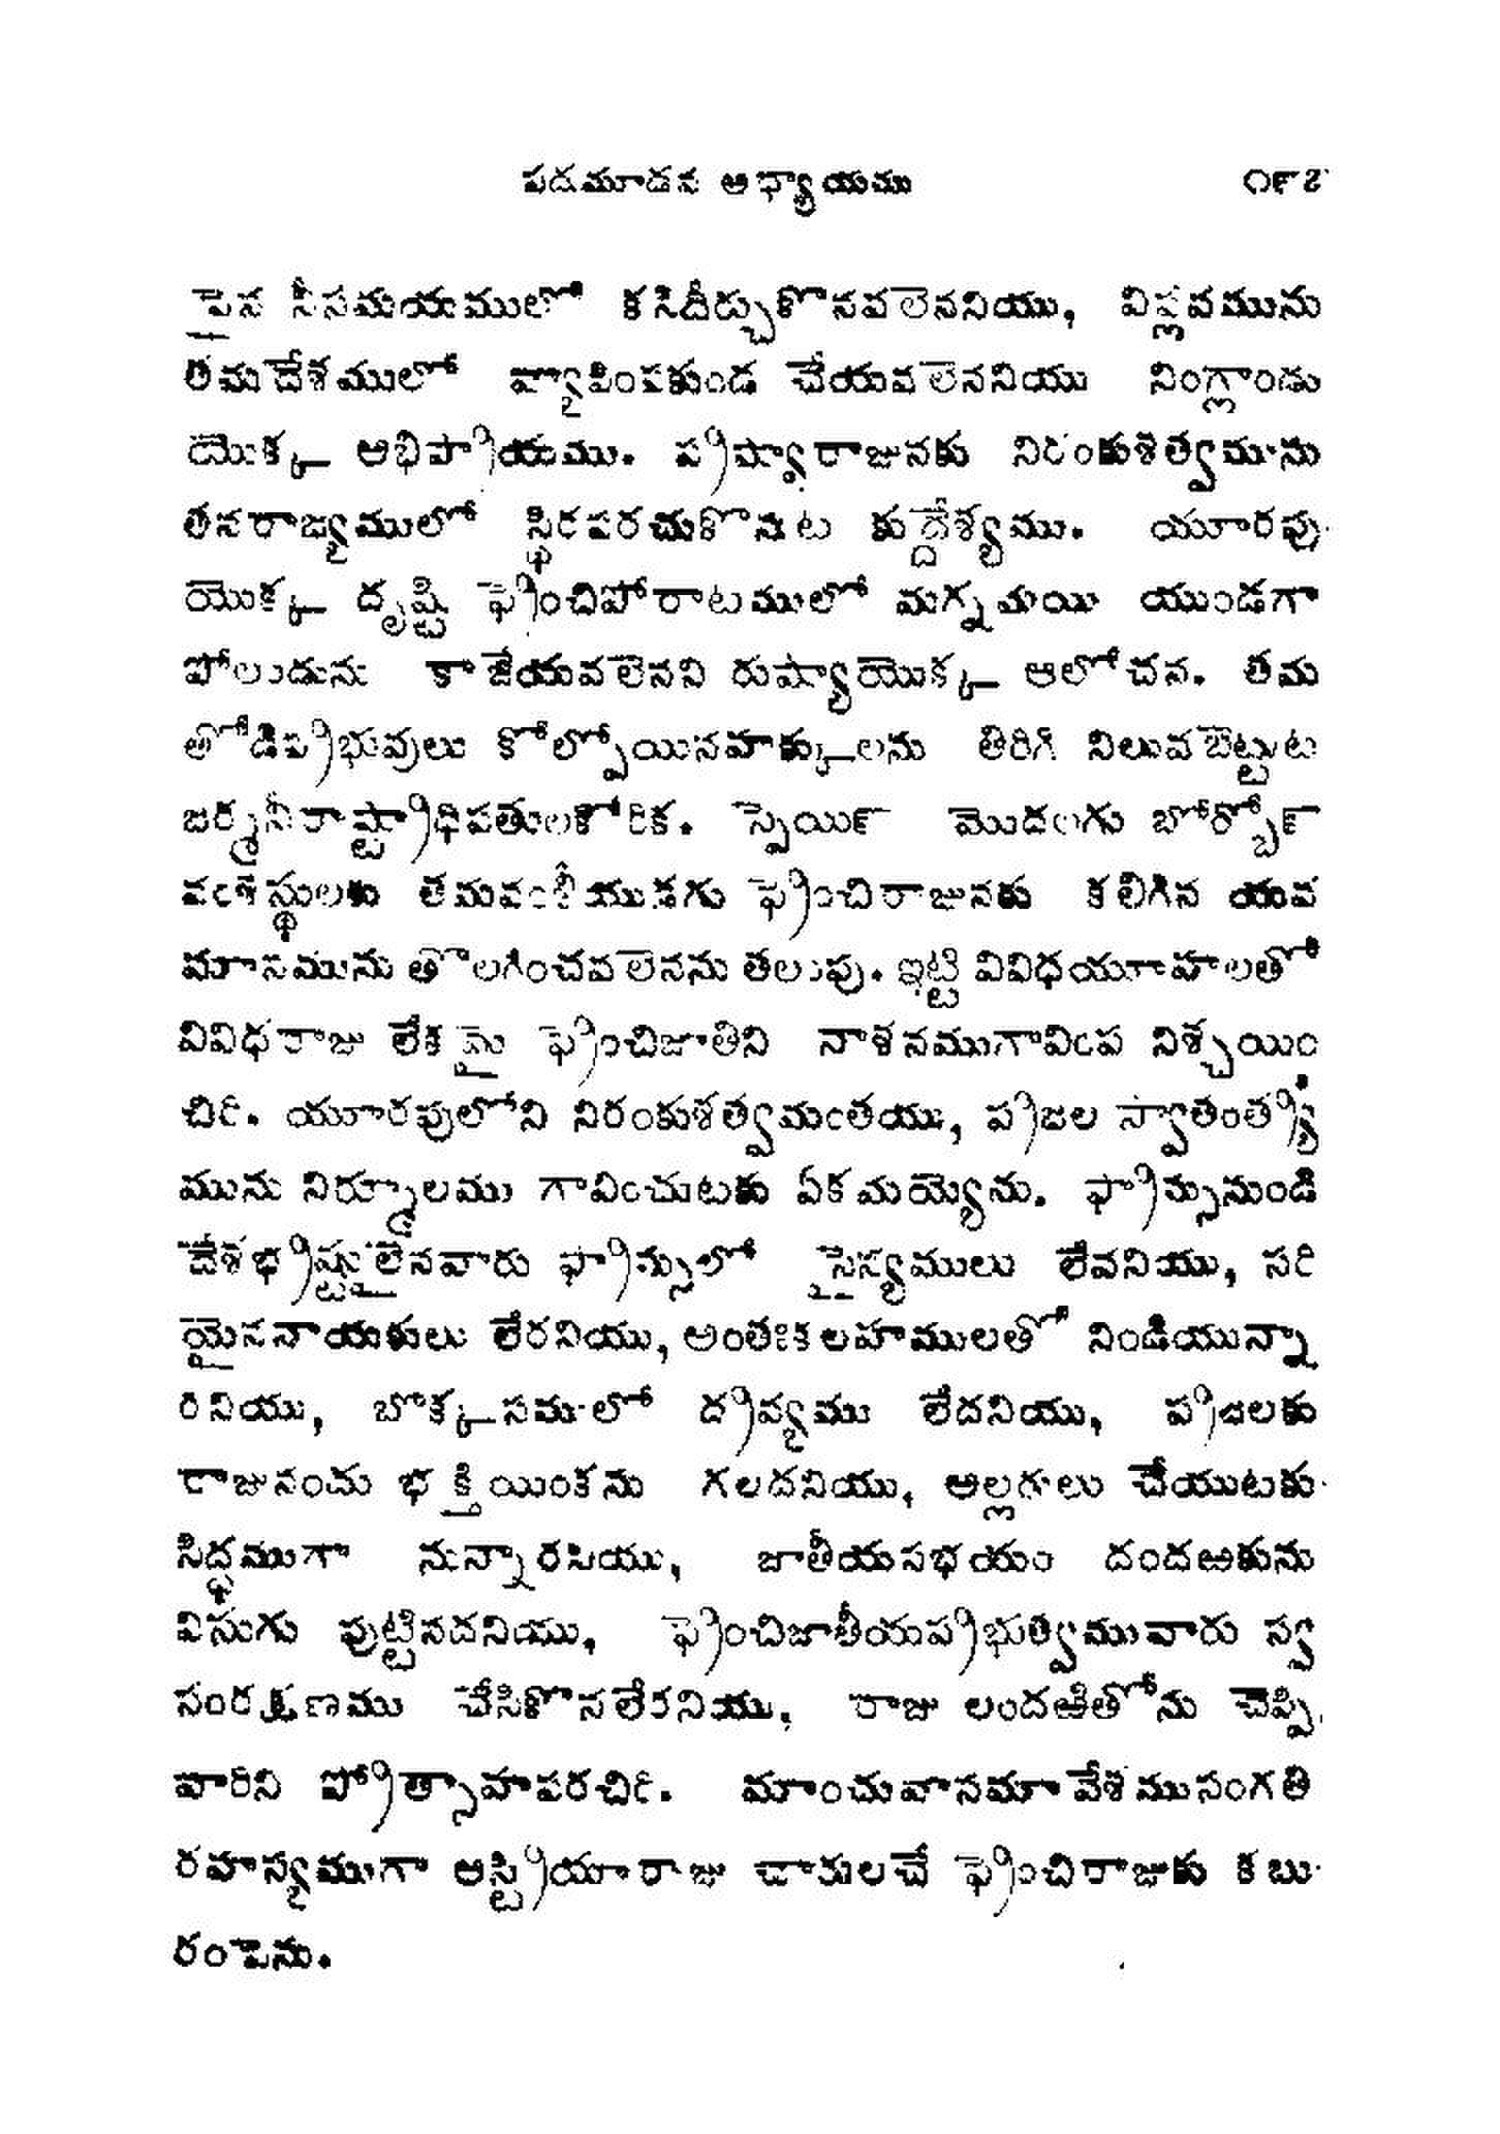పైన నీసమయములో కసిదీర్చుకొనవలెననియు, విప్లవమును
తమదేశములో వ్యాపింపకుండ చేయవ లెననియు నింగ్లాండు
యొక్క అభిప్రాయము. ప్రష్యా రాజునకు నిరంకుశత్వమును
తన రాజ్యములో స్థిరపరచుకొనుట కుద్దేశ్యము. యూరఫు.
యొక్క దృష్టి ఫ్రెంచిపోరాటములో మగ్నమయి యుండగా
పోలండును కాజేయవలెనని రుష్యా యొక్క ఆలోచన, తమ
తోడి ప్రభువులు కోల్పోయిన హక్కులను తిరిగి నిలువ బెట్టుట
జర్మనీ రాష్ట్రాధిపతుల కోరిక. 'స్పెయిన్ మొదలగు బోర్బోన్
వంశస్థులు తమవంశీయుడగు ఫ్రెంచి రాజునకు కలిగిన యవ
మానమును తొలగించవలెనను తల పు. ఇట్టి వివిధ యూహలతో
వివిధ రాజు లేక మై ఫ్రెంచిజా తిని నాశనముగావింప నిశ్చయిం
చిరి . యూరపులోని నిరంకుశత్వమంతయు, ప్రజల స్వాతంత్ర
నిర్మూలము గావించుటకు ఏక మయ్యెను. ఫ్రాన్సునుండి
దేశ బ్రస్టు లైన వారు ఫ్రాన్సులో సైన్యములు లేవనియు, సరి
యైన నాయకులు లేరనియు, అంతఃకలహములతో నిండియున్నా
రినియు, బొక్క సమ లో దవ్యము లేదనియు, ప్రజలకు
రాజునందు భక్తి యింకను గలదనియు, అల్లరులు
చేయుటకు. సిద్ధముగా నున్నా రనియు, జాతీయసభయం దందరుకును
విసుగు పుట్టినదనియు, ఫ్రెంచి జాతీయ ప్రభుత్వము వారు స్వ
సంరక్షణము చేసికొనలేరనియు, రాజు లందఱితోను చెప్పి,
వారిని ప్రోత్సాహపరచిరి. మాంచువా సమావేశ ముసంగతి
రహస్యముగా ఆస్ట్రియా రాజు చారులచే ఫ్రెంచి రాజుకు కబు
రంపెను.